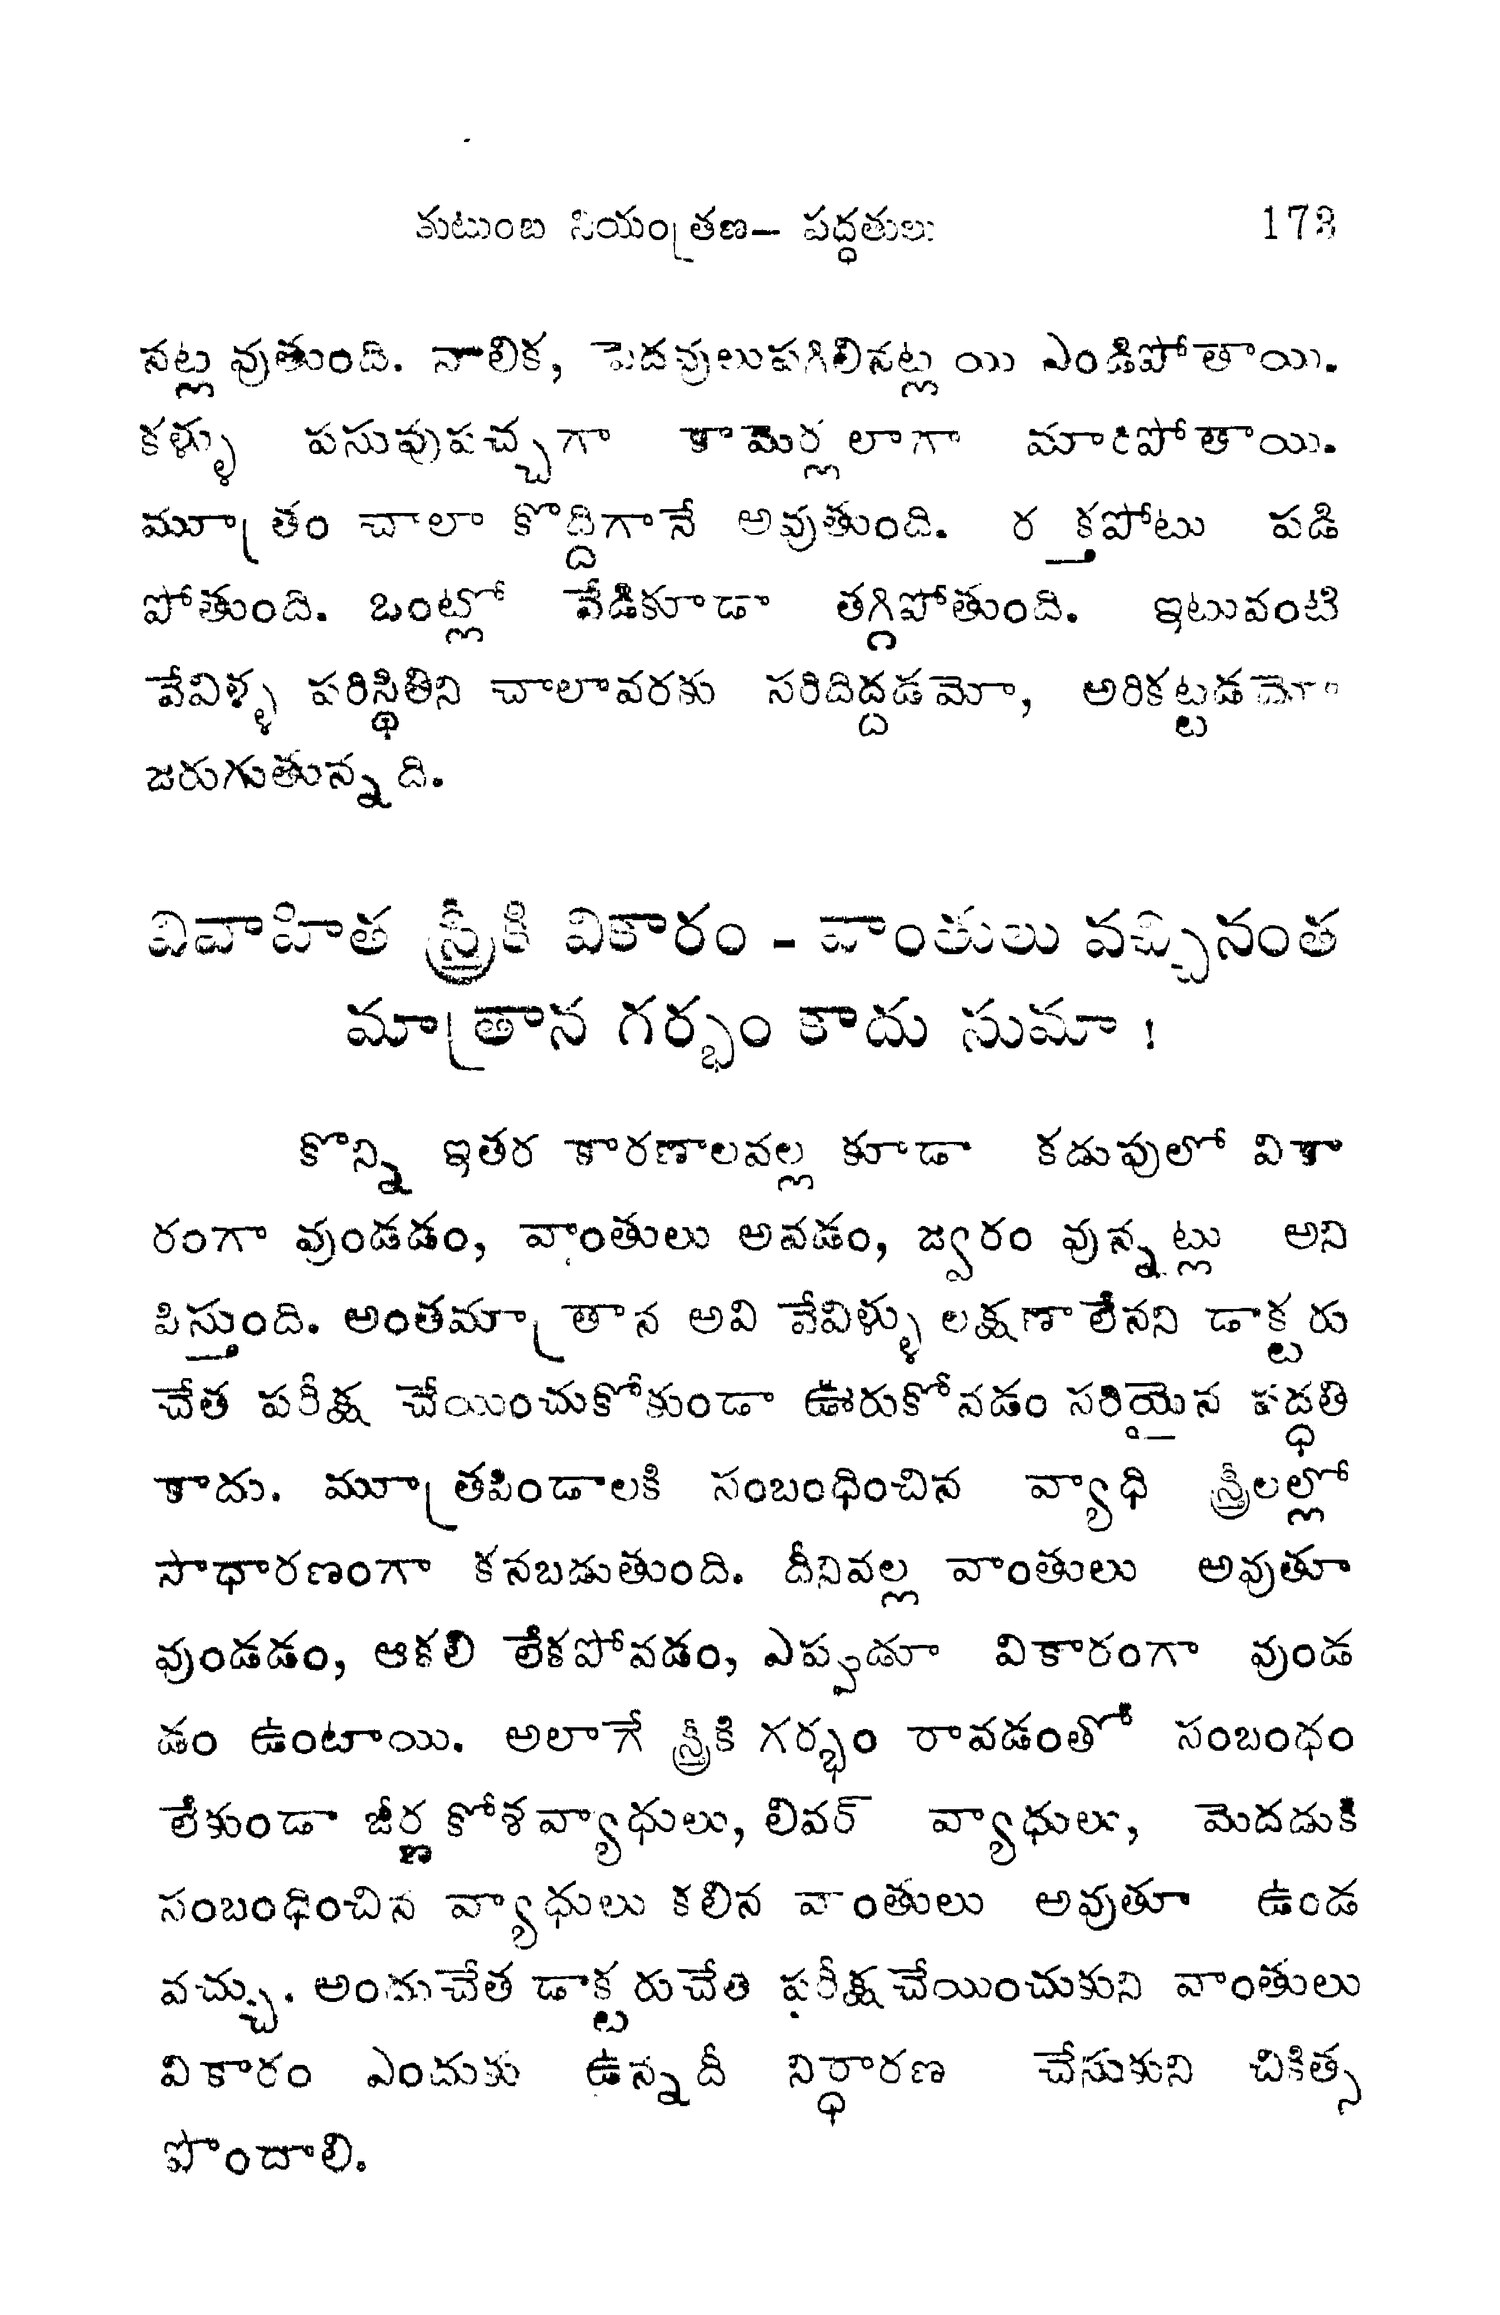నటలు వుతుంది. నాలిక, పెదవులుపగిలినట్లయి ఎండిపోతాయి. కళ్ళు పసుపుపచ్చగా కామెర్ల లాగా మారిపోతాయి. మూత్రం చాలా కొద్దిగానే అవుతుంది. రక్తపోటు పడిపోతుంది. ఒంట్లో వేడికూడా తగ్గిపోతుంది. ఇటువంటి వేవిళ్ళ పరిస్థితిని చలావరకు సరిదిద్దడమో, అరికట్టడమో జరుగుతున్నది. 

కొన్ని ఇతర కారణాలవల్ల కూడా కడుపులో వికారంగా వుండడం, వాంతులు అవడం, జ్వరం వున్నట్లు అనిపిస్తుంది. అంతమాత్రాన అవి వేవిళ్ళు లక్షణాలేనని డాక్టరు చేత పరీక్ష చేయించుకోకుండా ఊరుకోవడం సరియైన పద్ధతి కాదు. మూత్రపిండాలకి సంబందించిన వ్యాధి స్రీలల్లో సాధారణంగా కనబడుతుంది. దీనివల్ల వాంతులు అవుతూ వుండడం, ఆకలి లేకపోవడం, ఎప్పుడూ వికారంగా వుండడం ఉంటాయి. అలాగే స్త్రీకి గర్భం రావడంతో సంబంధం లేకుండా జీర్ణకోశవ్యాధులు, లివర్ వ్యాధులు, మెదడుకి సంబంధించిన వ్యాధులు కల్గిన వాంతులు అవుతూ ఉండవచ్చు. అందుచేత డాక్టరుచేత పరీక్షచేయించుకుని వాంతులు వికారం ఎందుకు ఉన్నదీ నిర్ధారణ చేసుకుని చికిత్స పొందాలి.